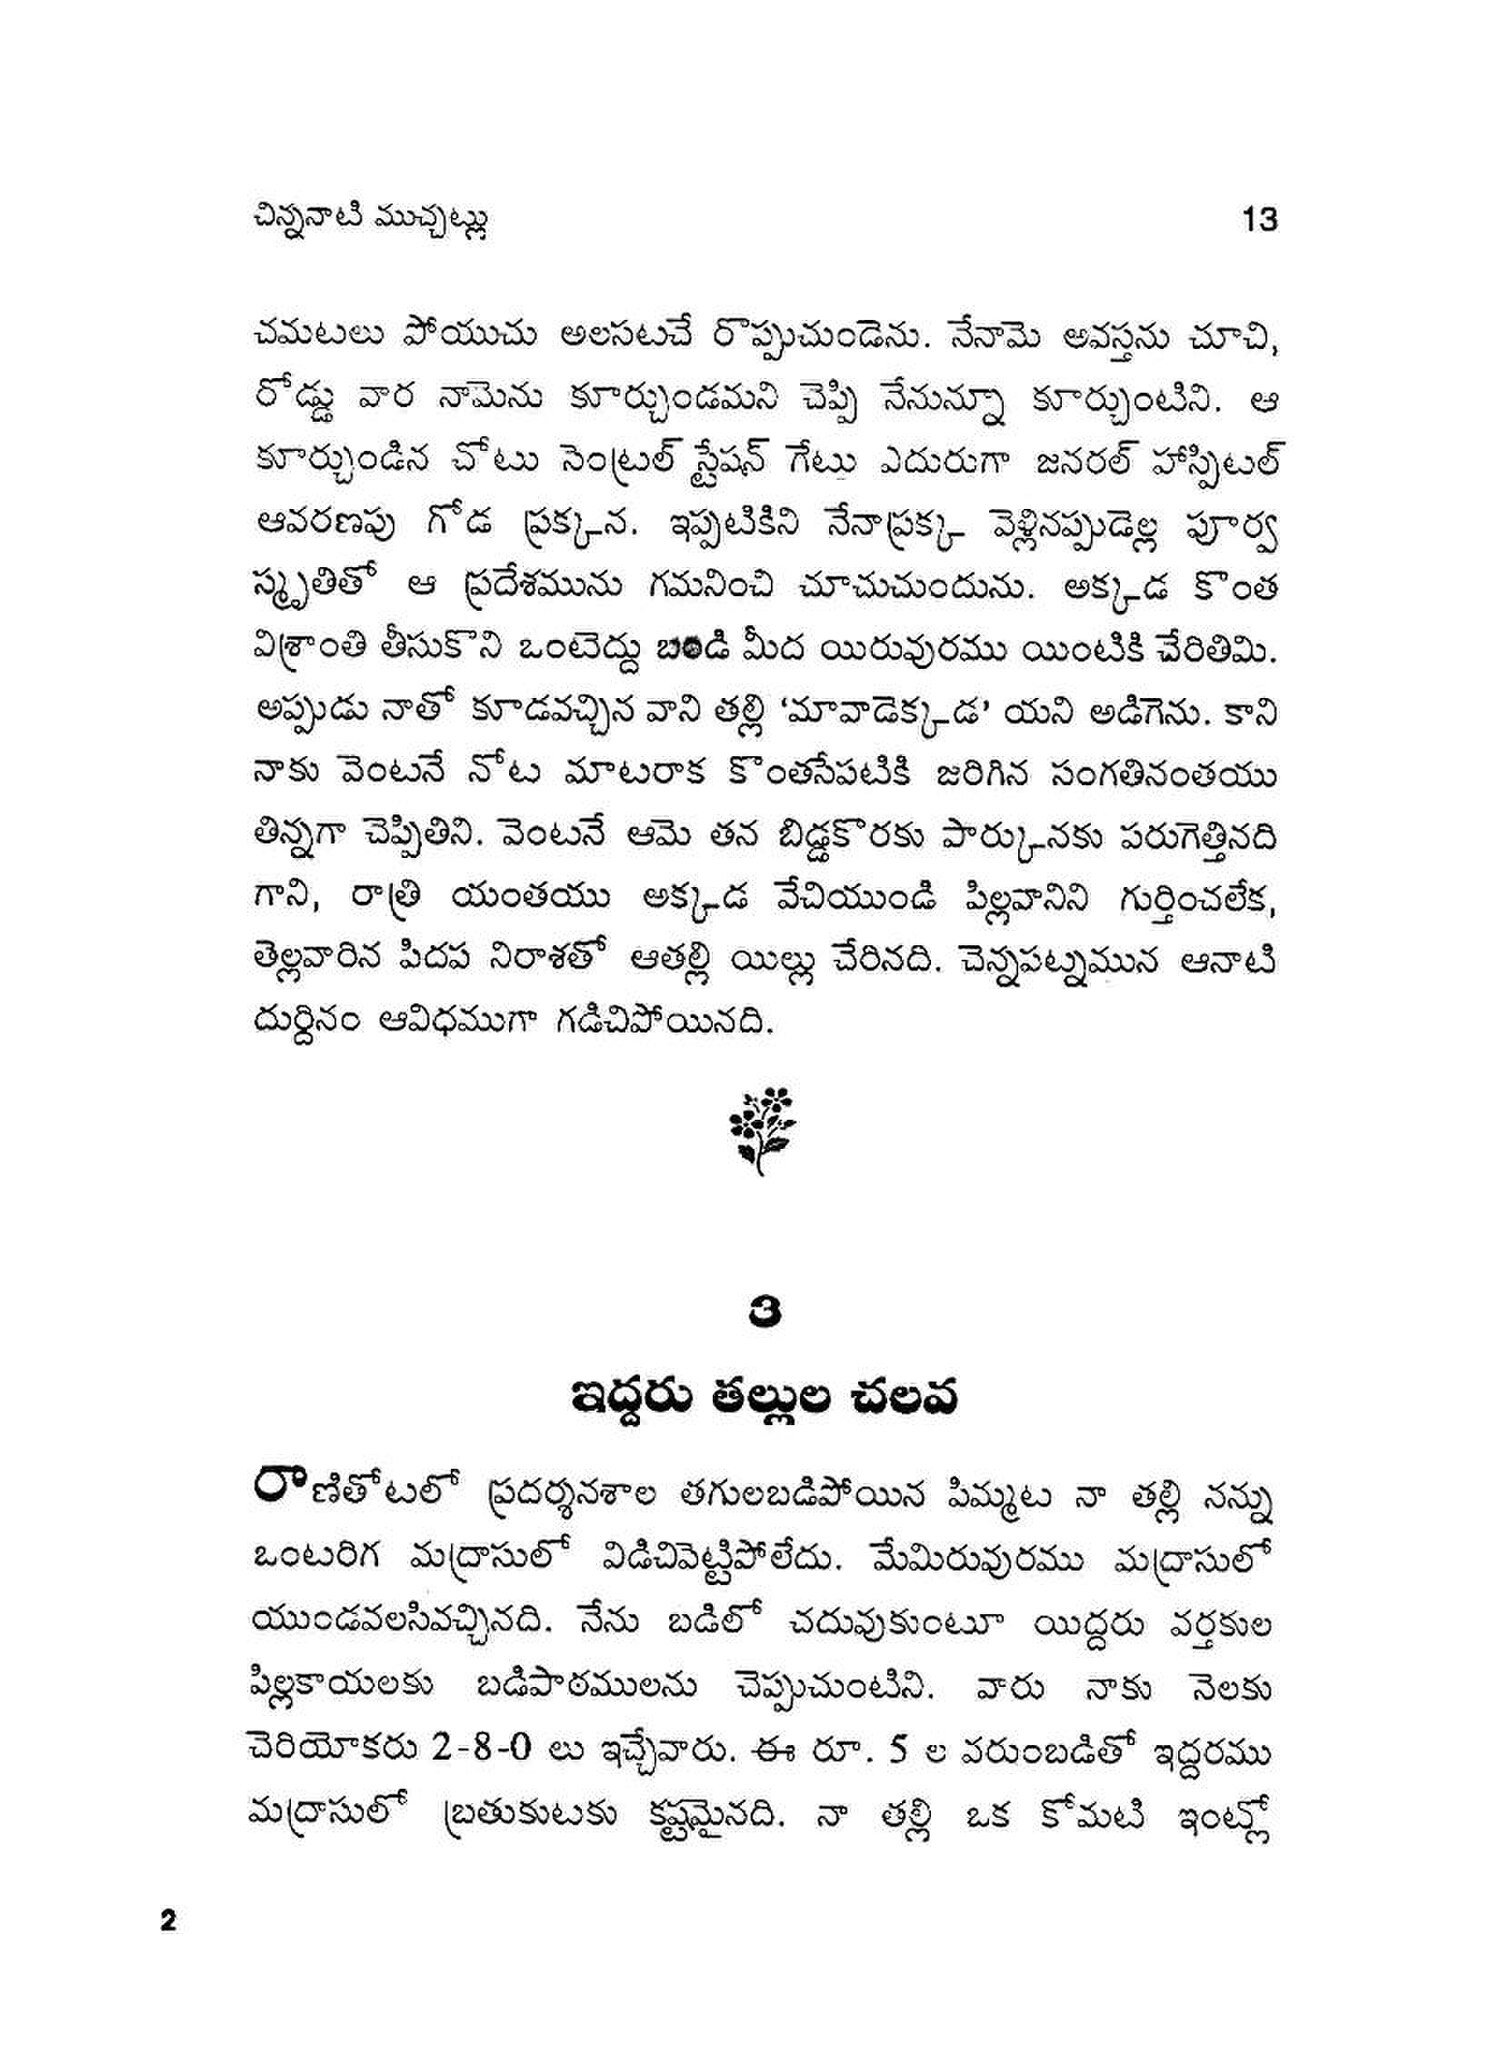చమటలు పోయుచు అలసటచే రొప్పుచుండెను. నేనామె అవస్తను చూచి, రోడ్డు వార నామెను కూర్చుండమని చెప్పి నేనున్నూ కూర్చుంటిని. ఆ కూర్చుండిన చోటు సెంట్రల్ స్టేషన్ గేటు ఎదురుగా జనరల్ హాస్పిటల్ ఆవరణపు గోడ ప్రక్కన. ఇప్పటికిని నేనాప్రక్క వెళ్లినప్పడెల్ల పూర్వ స్మృతితో ఆ ప్రదేశమును గమనించి చూచుచుందును. అక్కడ కొంత విశ్రాంతి తీసుకొని ఒంటెద్దు బండి మీద యిరువురము యింటికి చేరితిమి. అప్పడు నాతో కూడవచ్చిన వాని తల్లి 'మావాడెక్కడ' యని అడిగెను. కాని నాకు వెంటనే నోట మాటరాక కొంతసేపటికి జరిగిన సంగతినంతయు తిన్నగా చెప్పితిని. వెంటనే ఆమె తన బిడ్డకొరకు పార్కునకు పరుగెత్తినది గాని, రాత్రి యంతయు అక్కడ వేచియుండి పిల్లవానిని గుర్తించలేక, తెల్లవారిన పిదప నిరాశతో ఆతల్లి యిల్లు చేరినది. చెన్నపట్నమున ఆనాటి దుర్దినం ఆవిధముగా గడిచిపోయినది.

 
రాణితోటలో ప్రదర్శనశాల తగులబడిపోయిన పిమ్మట నా తల్లి నన్ను ఒంటరిగ మద్రాసులో విడిచిపెట్టిపోలేదు. మేమిరువురము మద్రాసులో యుండవలసివచ్చినది. నేను బడిలో చదువుకుంటూ యిద్దరు వర్తకుల పిల్లకాయలకు బడిపాఠములను చెప్పచుంటిని. వారు నాకు నెలకు చెరియోకరు 2-8-0 లు ఇచ్చేవారు. ఈ రూ.5 ల వరుంబడితో ఇద్దరము మద్రాసులో బ్రతుకుటకు కష్టమైనది. నా తల్లి ఒక కోమటి ఇంట్లో